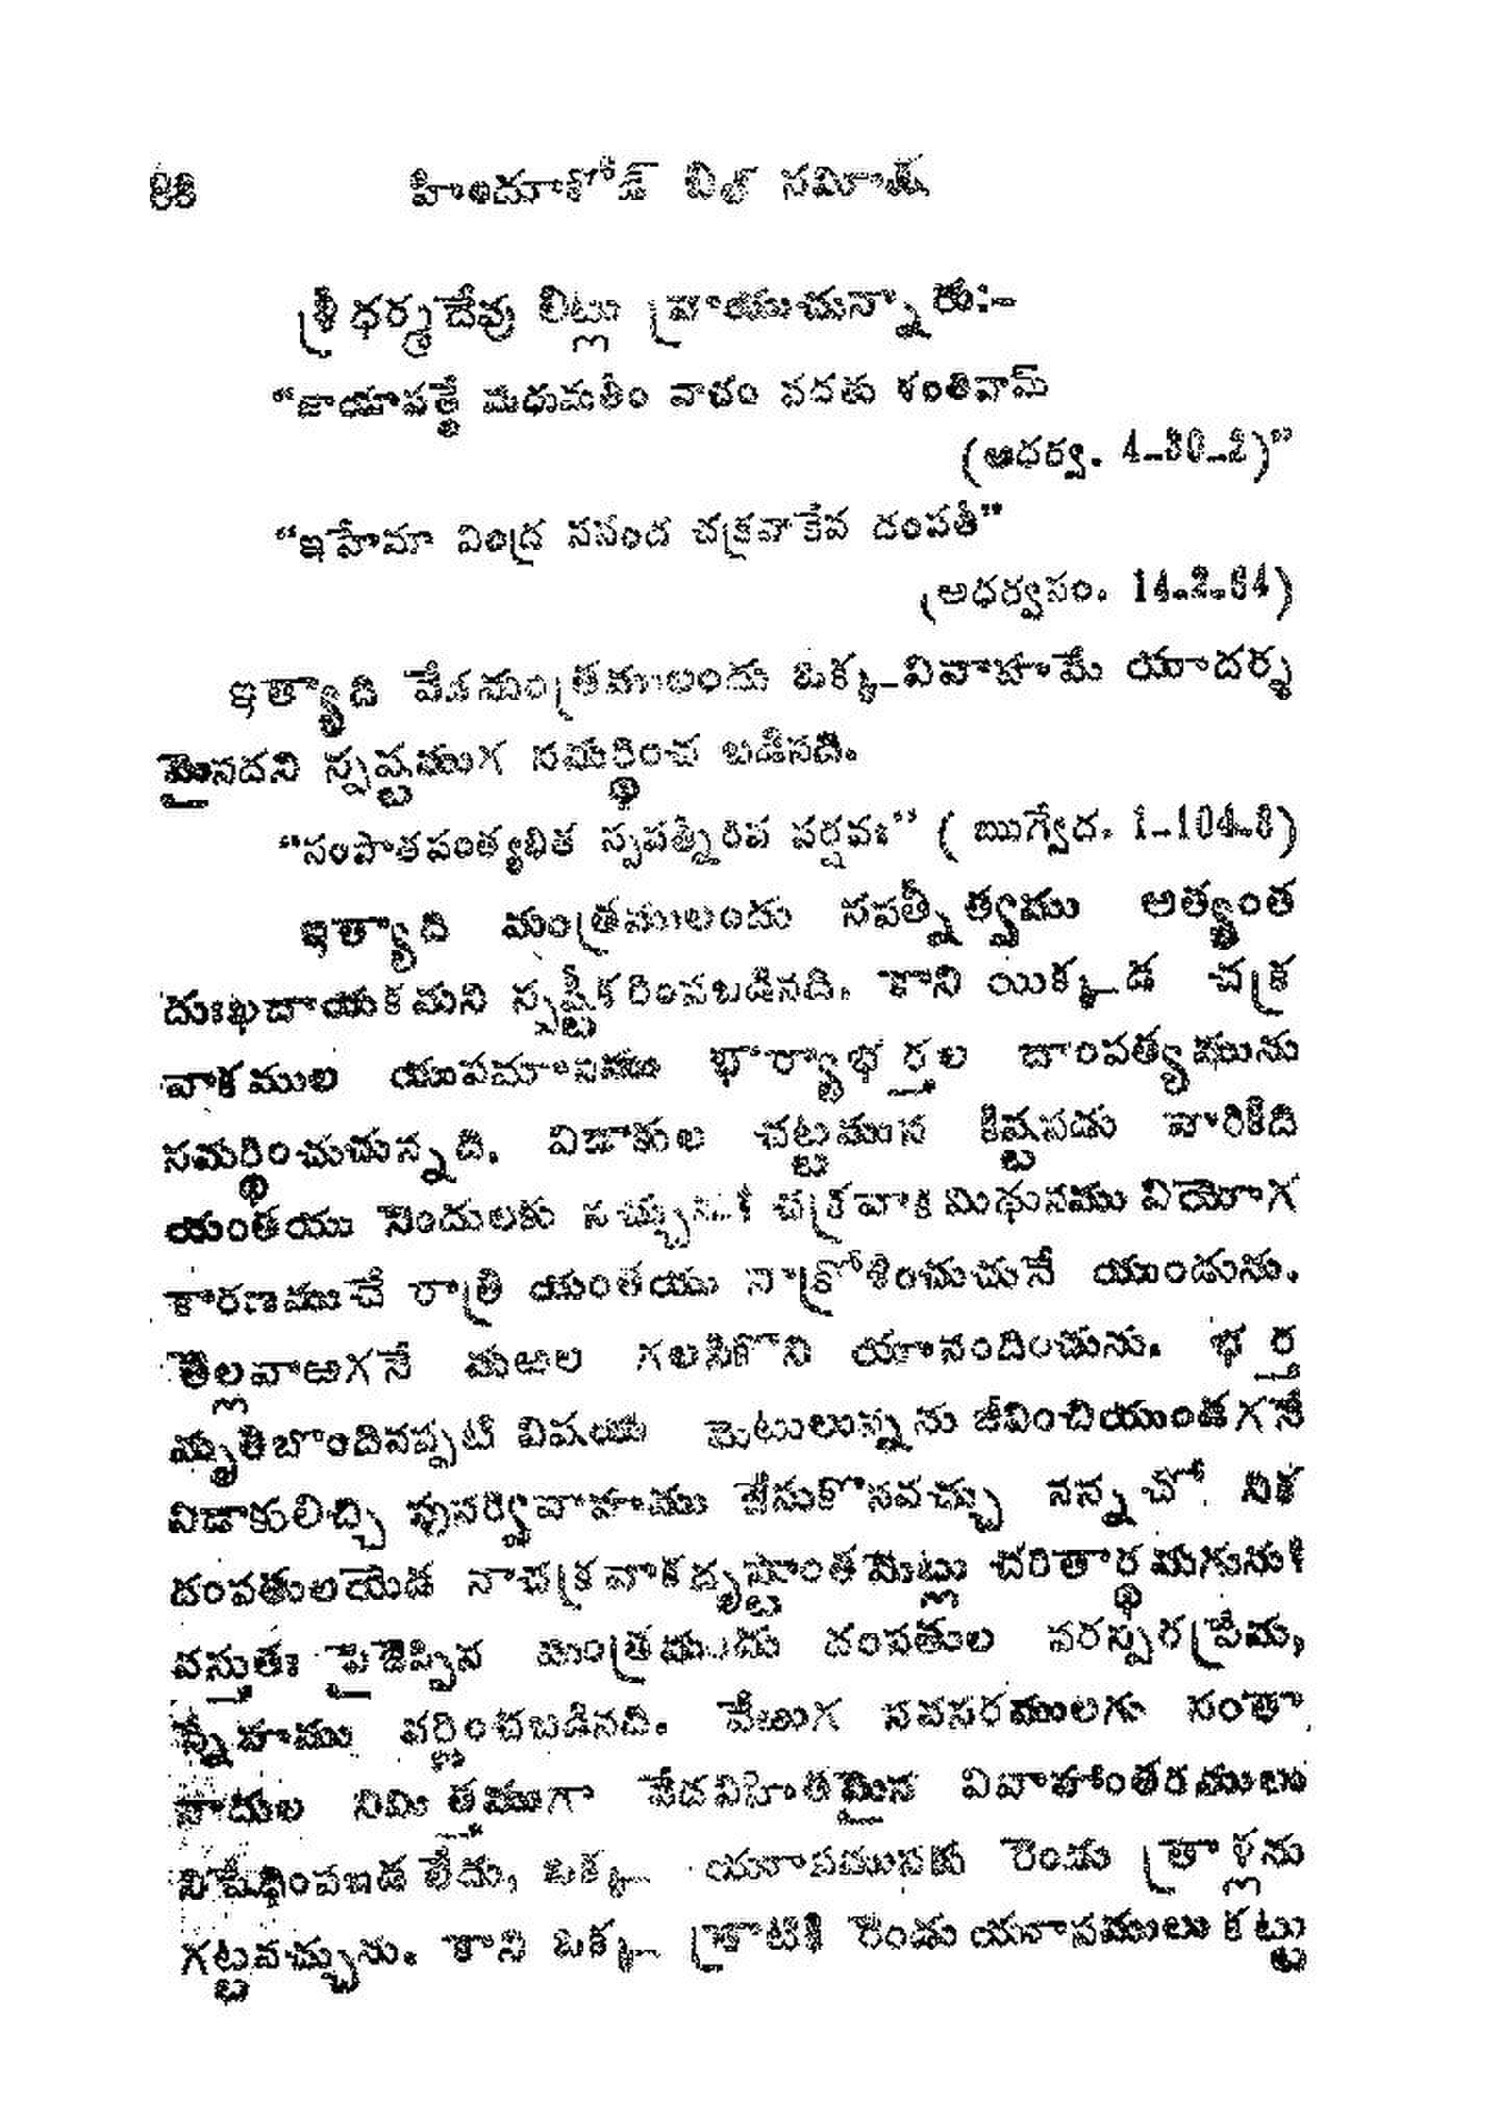శ్రీ ధర్మదేవు లిట్లు వ్రాయుచున్నారు:

"జాయాపతే మధువతీం వాచం వదతు శంతివామ్
 (ఆధర్వ. 4-30 - 2)
 
“ఇహేమా వింద్ర సనంద చక్రవాకేవ దంపతీ"
 (అధర్వసం. 14.4.84)
 
ఇత్యాది వేడమంత్రములందు ఒక్క వివాహమే యాదర్శ
మైనదని స్పష్టముగ సమర్థించ బడినది.

"సంపాతపంత్యభిత స్పపత్నీరిప సర్షవః" 
 ( ఋగ్వేద. 1-104-8)
 
ఇత్యాది మంత్రములందు సపత్నీత్వము అత్యంత
దుఃఖదాయకమని స్పష్టీకరించబడినది. కాని యిక్కడ చక్ర
వారముల యుపమాసము భార్యాభర్తల దాంపత్యమును
సమర్థించుచున్నది. విడాకుల చట్టమున కిష్టపడు వారికిది
యంతయు నెందులకు నచ్చును? చక్రవాక మిధునము వియోగ
కారణముచే రాత్రి యంతయు నాక్రోశించుచునే యుండును.
తెల్లవాఱగనే మఱల గలసికొని యానందించును. భర్త 
మృతిబొందినప్పటి విషయ మెటులున్నను జీవించియుండగనే
విడాకులిచ్చి పునర్వివాహము చేసుకొనవచ్చు నన్నచో నిక
దంపతులయెడ నాచక్రవాక దృష్టాంతమెట్లు చరితార్ధమగును?
వస్తుతః పైజెప్పిన మంత్రమందు దంపతుల పరస్పర ప్రేమ,
స్నేహము వర్ణించబడినది. వేఱుగ సవసరములగు 
సంతానాదుల నిమిత్తముగా వేదవిహితమైన వివాహాంతరములు 
నిషేధింపబడ లేదు, ఒక్క యూపమునకు రెండు త్రాళ్లను
గట్టవచ్చును. కాని ఒక్క త్రాటికి రెండు యూపములు కట్టు